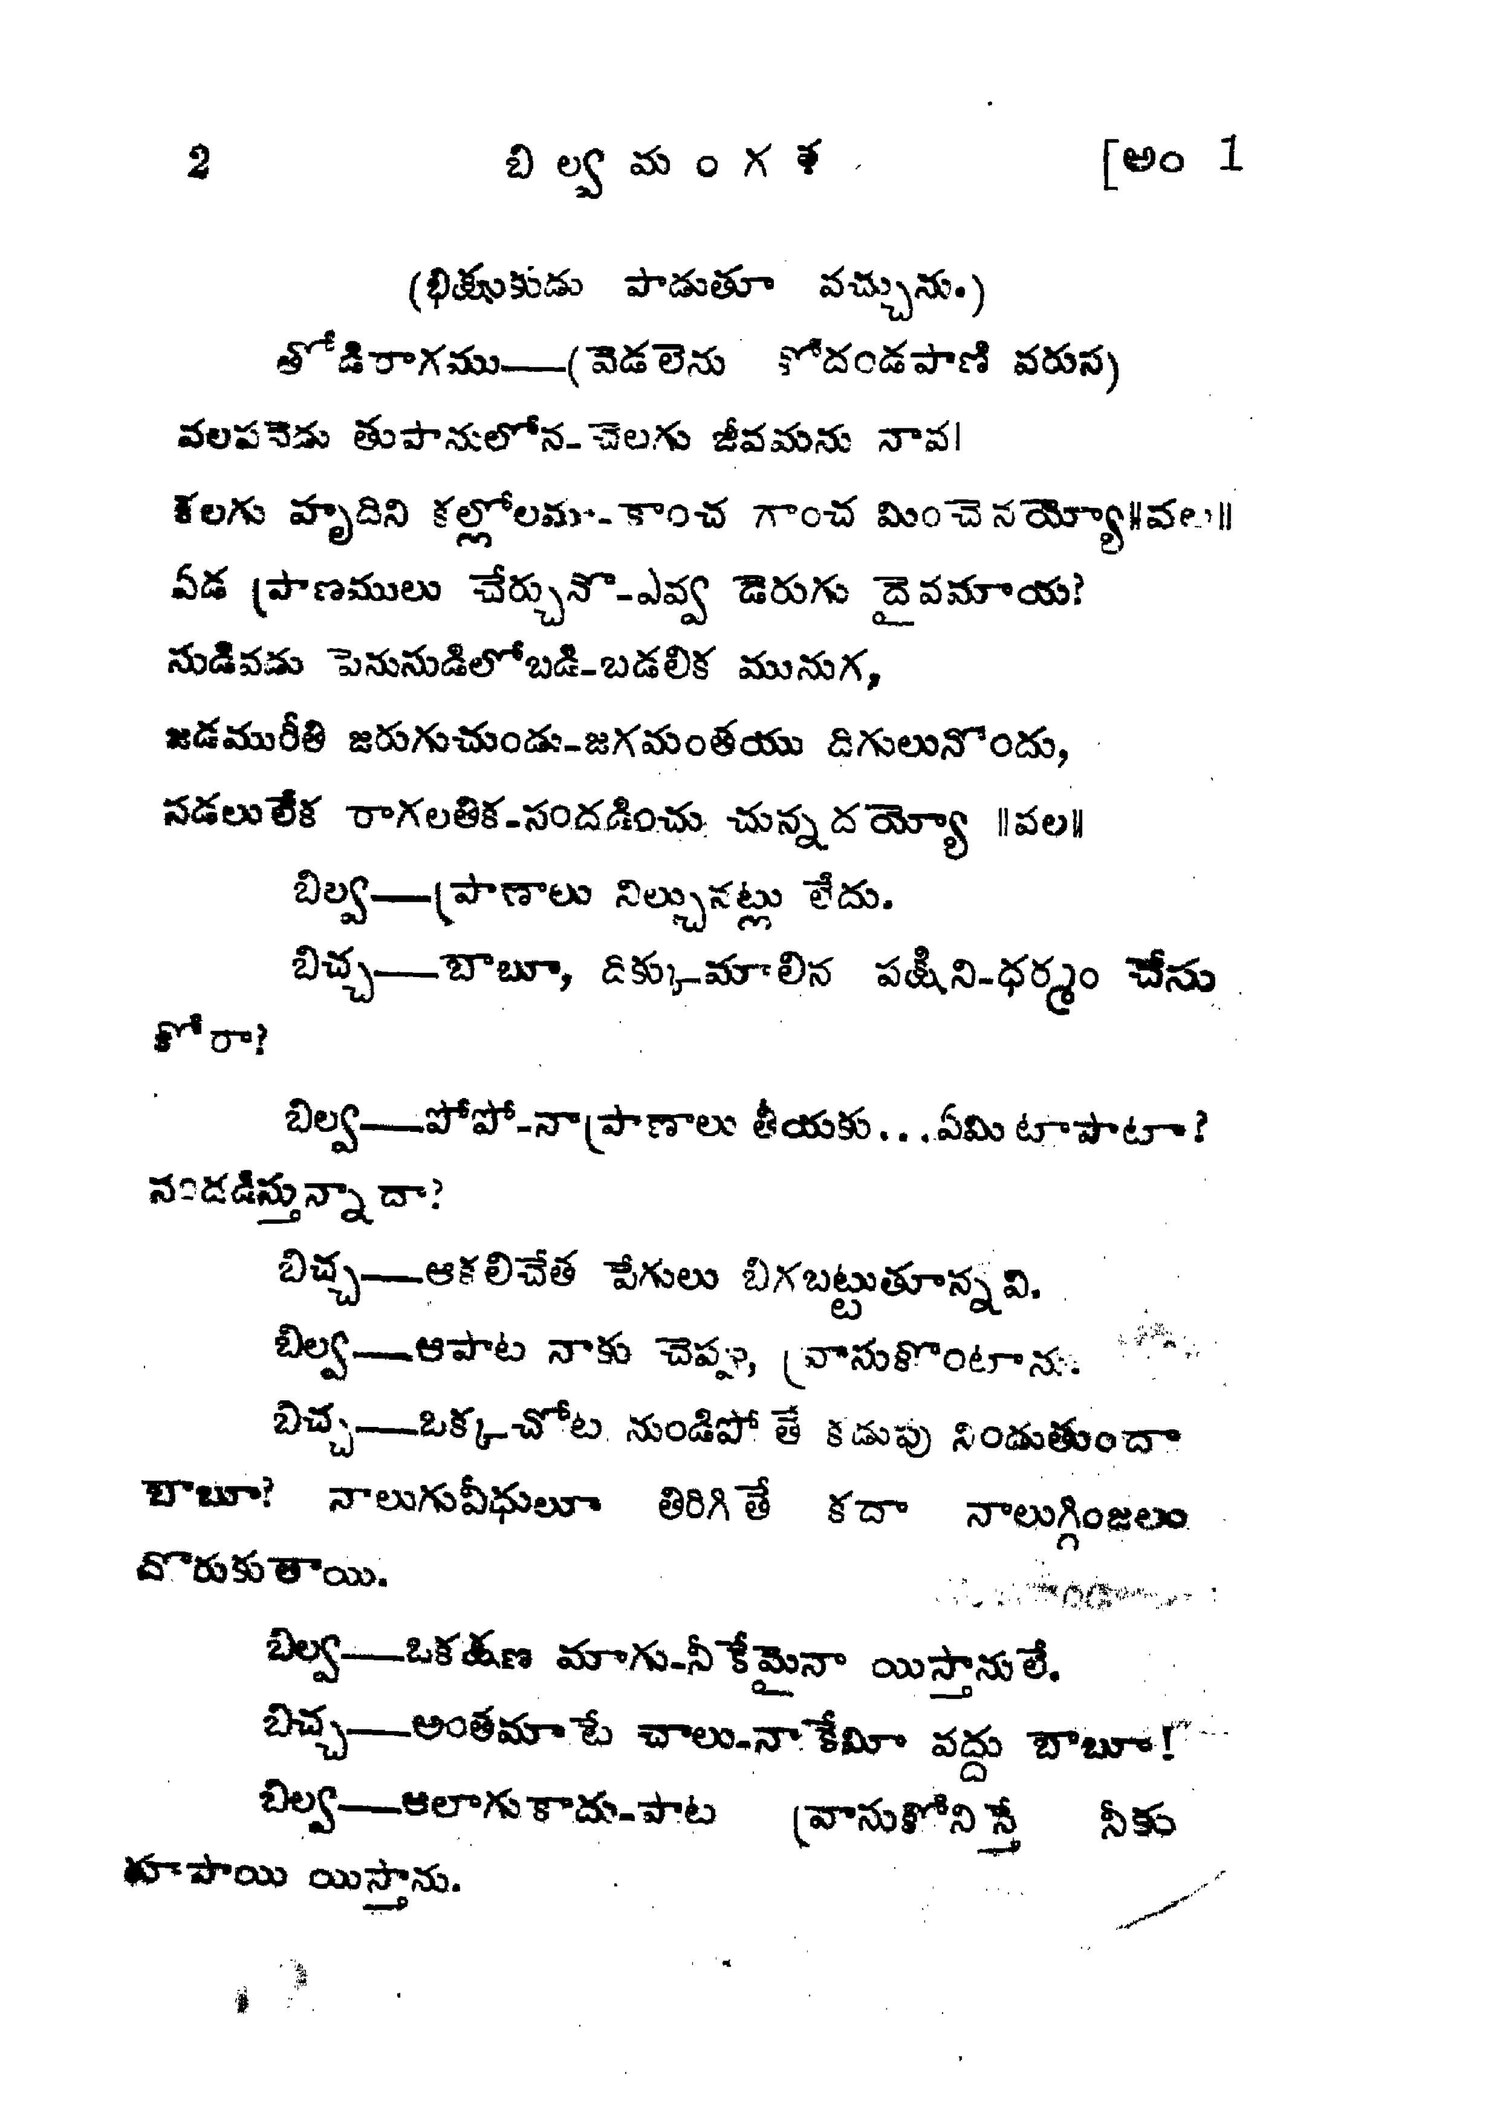వలపవెడు తుపానులోన - చెలగు జీవమను నావ !
 కలగు హృదిని కల్లోలము - కాంచ గాంచ మించెనయ్యో||వల||
 ఏడ ప్రాణములు చేర్చునొ - ఎవ్వ డెరుగు దైవమాయ?
 నుడివడు పెనుసుడిలోబడి - బడలిక మునుగ,
 జడమురీతి జరుగుచుండు - జగమంతయు దిగులునొందు,
 నడలులేక రాగలతిక - సందడించు చున్నదయ్యో ||వల||

బిల్వ - ప్రాణాలు నిల్చునట్లు లేదు.

బిచ్చ - బాబూ, దిక్కుమాలిన పక్షిని-ధర్మం చేసుకోరా?

బిల్వ - పోపో - నాప్రాణాలుతీయకు..ఏమిటాపాటా? సందడిస్తున్నదా?

బిచ్చ - ఆకలిచేత పేగులు బిగబట్టుతూన్నవి.

బిల్వ - ఆపాట నాకు చెప్పు, వ్రాసుకొంటాను.

బిచ్చ - ఒక్కచోట నుండిపోతే కడుపు నిండుతుందా బాబూ? నాలుగువీధులూ తిరిగితే కదా నాలుగిజ్జంజలు దొరకుతాయి.

బిల్వ - ఒకక్షణ మాగు - నీకేమైనా యిస్తానులే.

బిచ్చ - అంతమాటే చాలు - నాకేమీ వద్దు బాబూ!

బిల్వ - ఆలాగుకాదు - పాట వ్రాసుకోనిస్తే నీకు రూపాయి యిస్తాను.